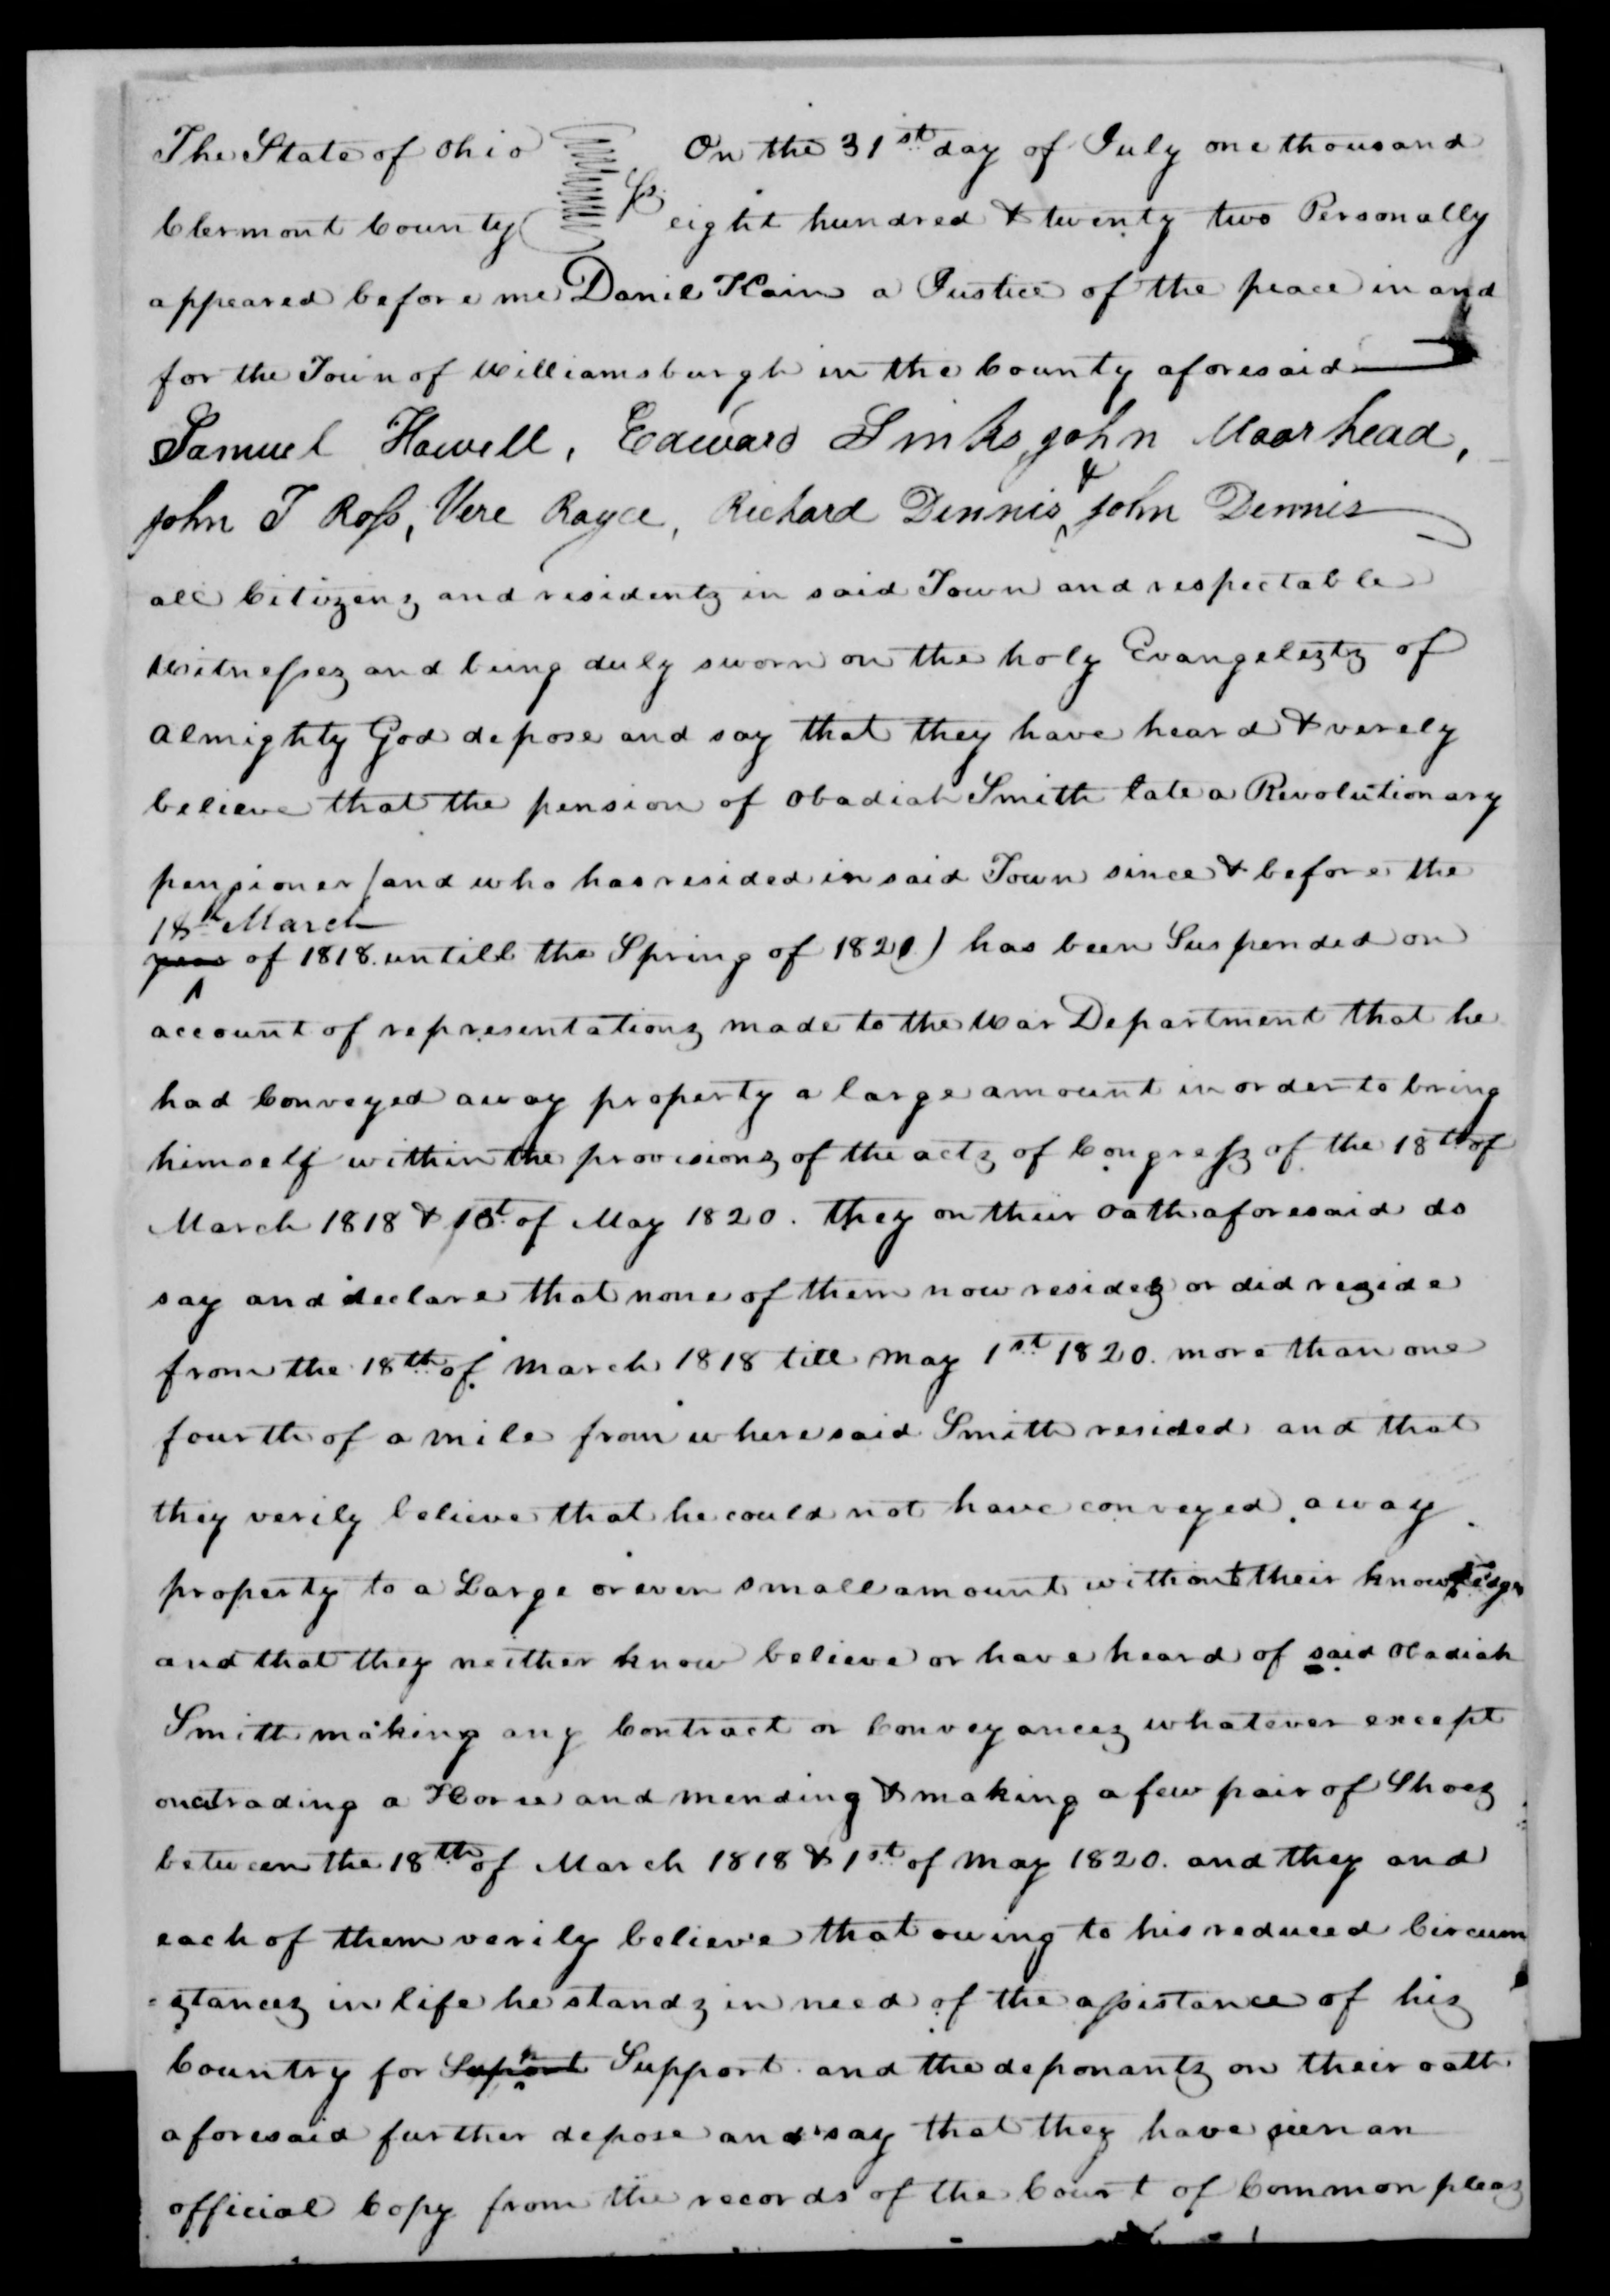The State of Ohio Clermont County } Ss. On the 31st day of July one thousand eight hundred & twenty two Personally appeared before me Daniel Kain a Justice of the Peace in and for the Town of Williamsburgh in the County aforesaid Samuel Howell, Edward Sinks, John Moorhead, John T Ross, Vere Rayce, Richard Dennis & John Dennis all Citizens and residents in said Town and respectable witnesses and being duly sworn on the holy Evangelists of Almighty God depose and say that they have heard & verily believe that the pension of Obadiah Smith late a Revolutionary pensioner (and who has resided in said Town since & before the 1st March ["year" is crossed out] 1818 untill the Spring of 1820) has been Suspended on account of representations made to the War Department that he had Conveyed away property a large amount in order to bring himself within the provisions of the acts of Congress of the 18th of March 1818 & 1st of May 1820. they on their oath aforesaid do say and declare that none of them now resides or did reside from the 18th of March, 1818 till May 1st 1820 more than one fourth of a mile from where said Smith resided and that they verily believe that he could not have conveyed away property to a Large or even small amount without their knowledge and that they neither know believe or have heard of said Obadiah Smith making any Contract on Conveyances whatever except one trading a Horse and mending & making a few pairs of shoes between the 18th of March 1818 & 1st of May 1820. and they and each of them verily believe that owing to his reduced Circumstances in Life he stands in need of the assistance of his Country for [crossed out word] Support and the deponents on their oath aforesaid further depose and say that they have seen an official Copy from the records of the Court of Common Pleas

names: Danil Kain; Edward Sinks; John Dennis; Vere Rayce; [BLANK] Smith; John Moorhead; Obadiah Smith; Richard Dennis; John T Ross; Obadiah Smith; Samuel Hawell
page: 55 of 66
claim: survivor's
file: S 40458, for Obadiah Smith, New York